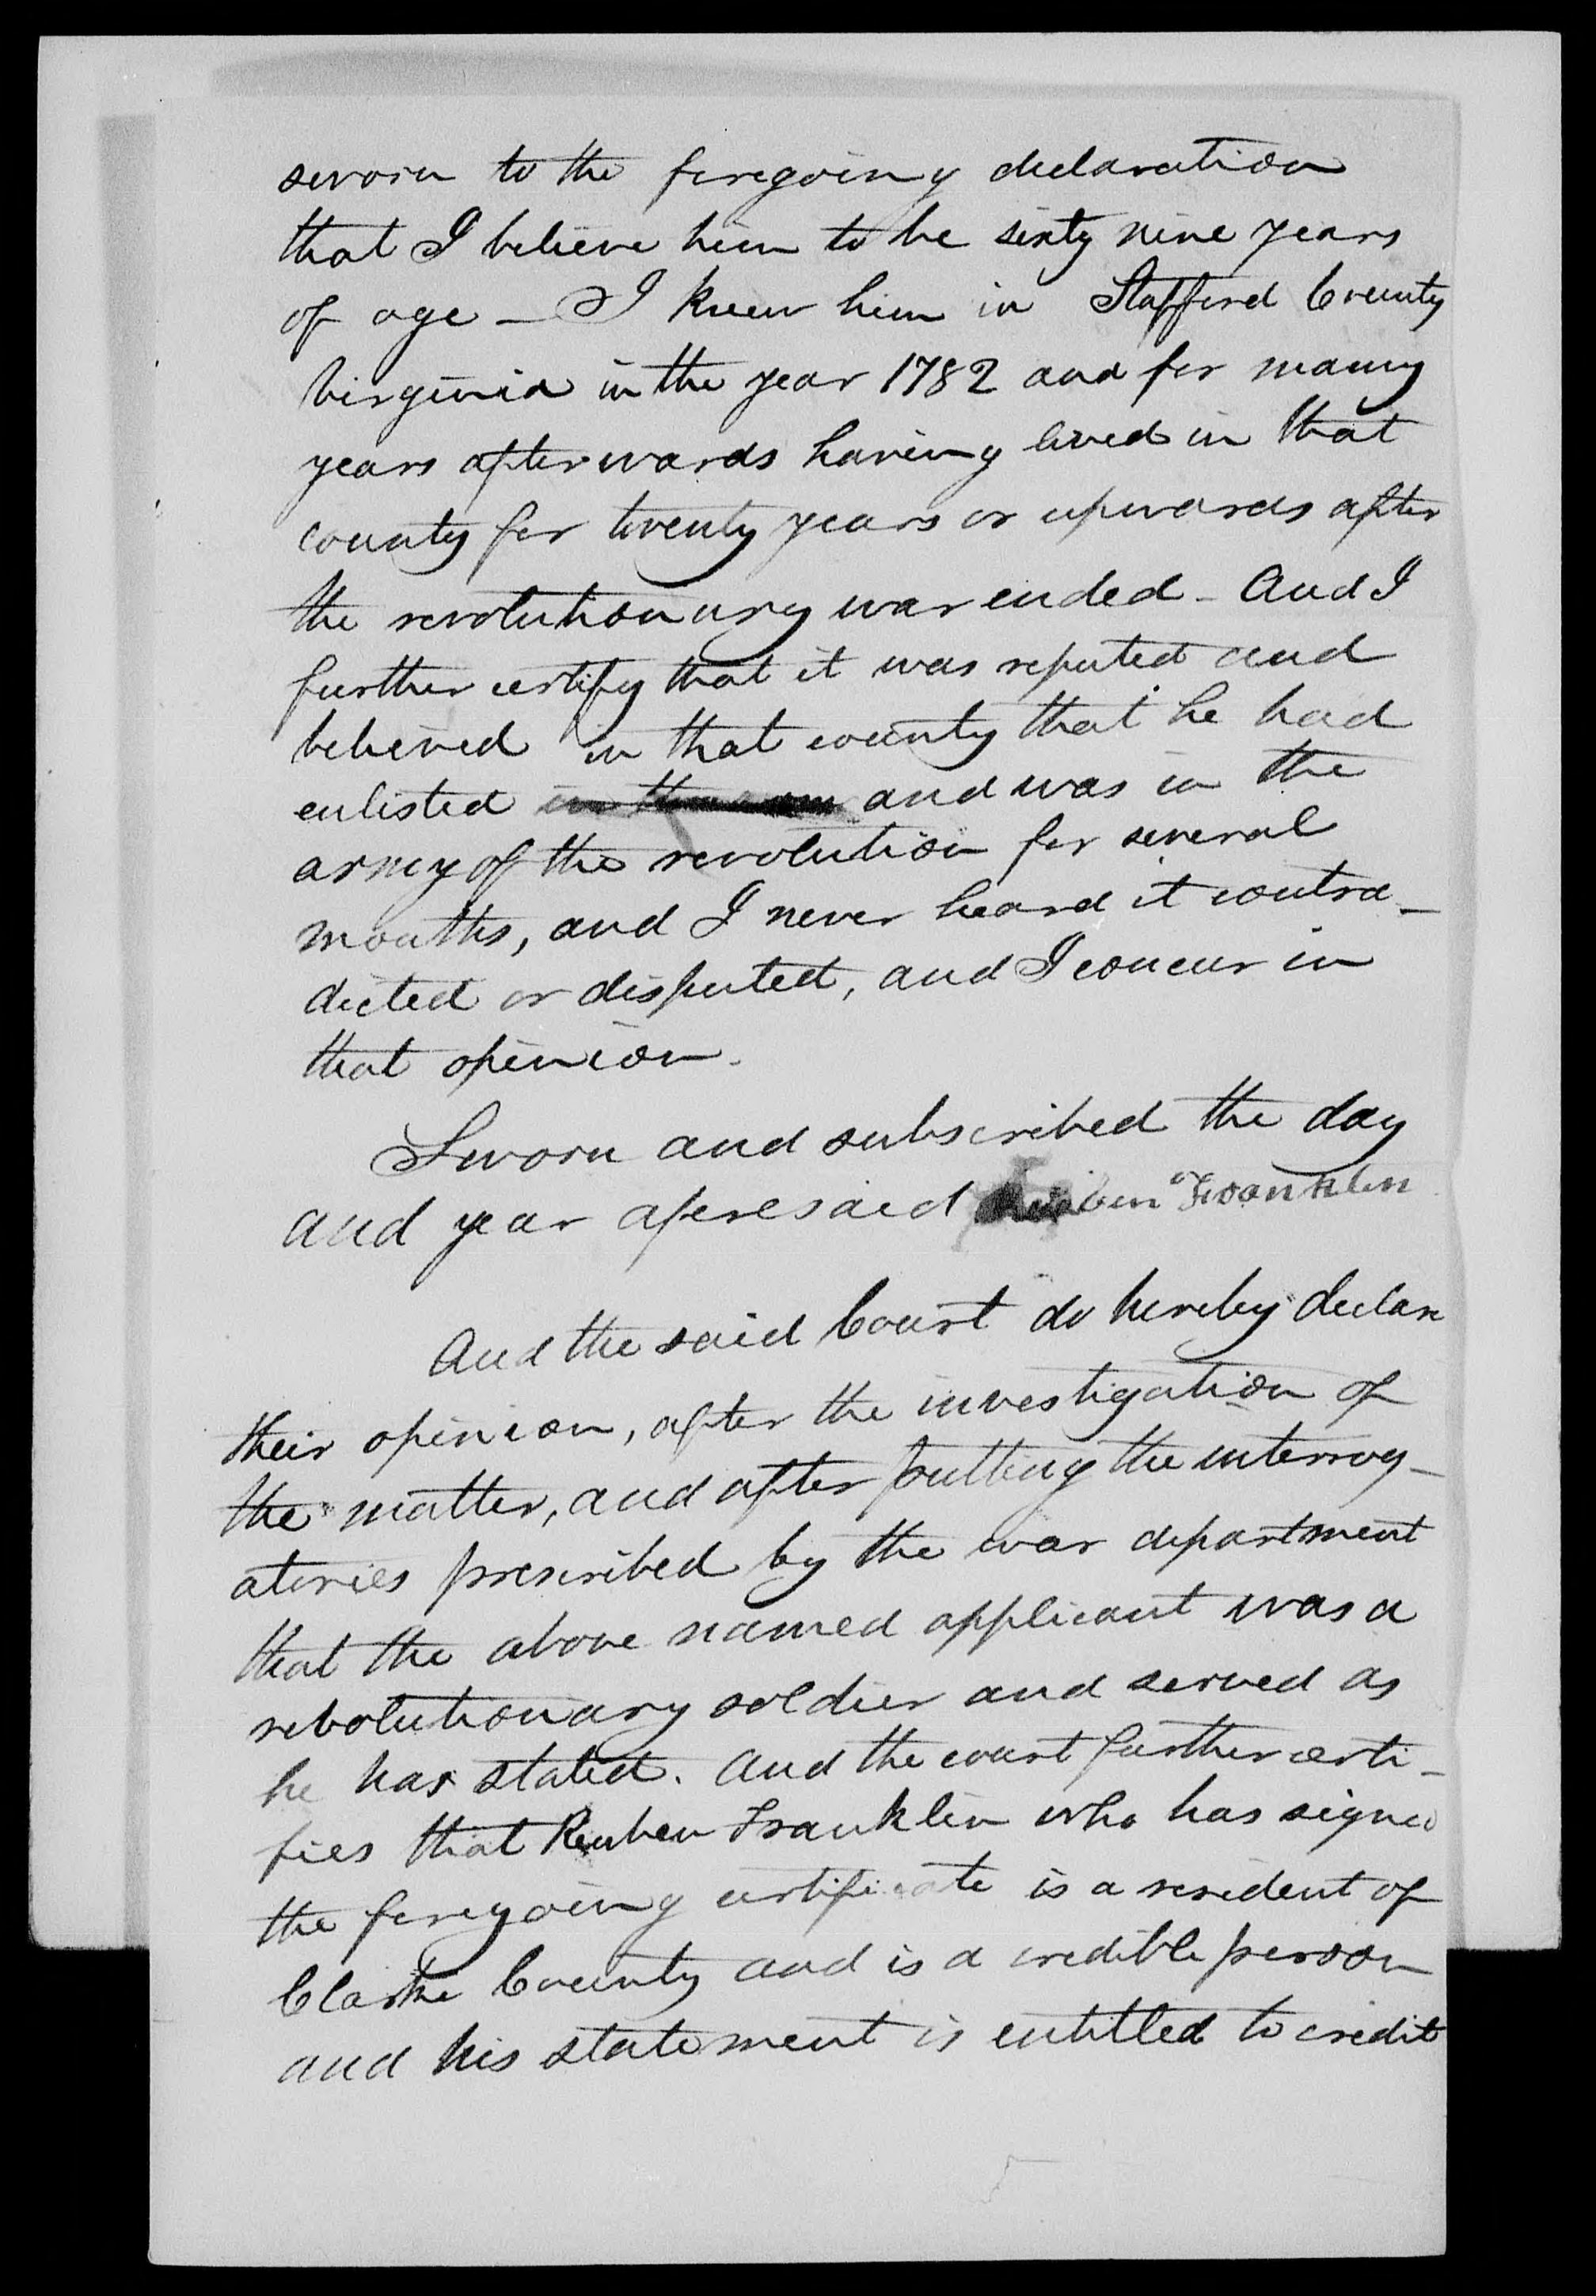sworn to the foregoing declaration that I believe him to be sixty nine years of age. I knew him in Stafford County Virginia in the year 1782 and for many years afterwards having lived in that county for twenty years or upwards after the revolutionary war ended. And I further certify that it was reputed and believed in that county that he had enlisted and was in the army of the revolution for several months, and I never heard it contradicted or disputed, and I concur in that opinion.

Sworn and subscribed the day and year aforesaid
[signature] Reuben Franklin

And the said court do hereby declare their opinion, after the investigation of the matter, and after putting the interrogatories prescribed by the war department that the above named applicant was a revolutionary soldier and served as he has stated. And the court further certifies that Reuben Franklin who has signed the foregoing certificate is a resident of Clarke County and is a credible person and his statement is entitled to credit.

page: 7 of 16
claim: rejected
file: R. 5634, for John Johnson, Virginia